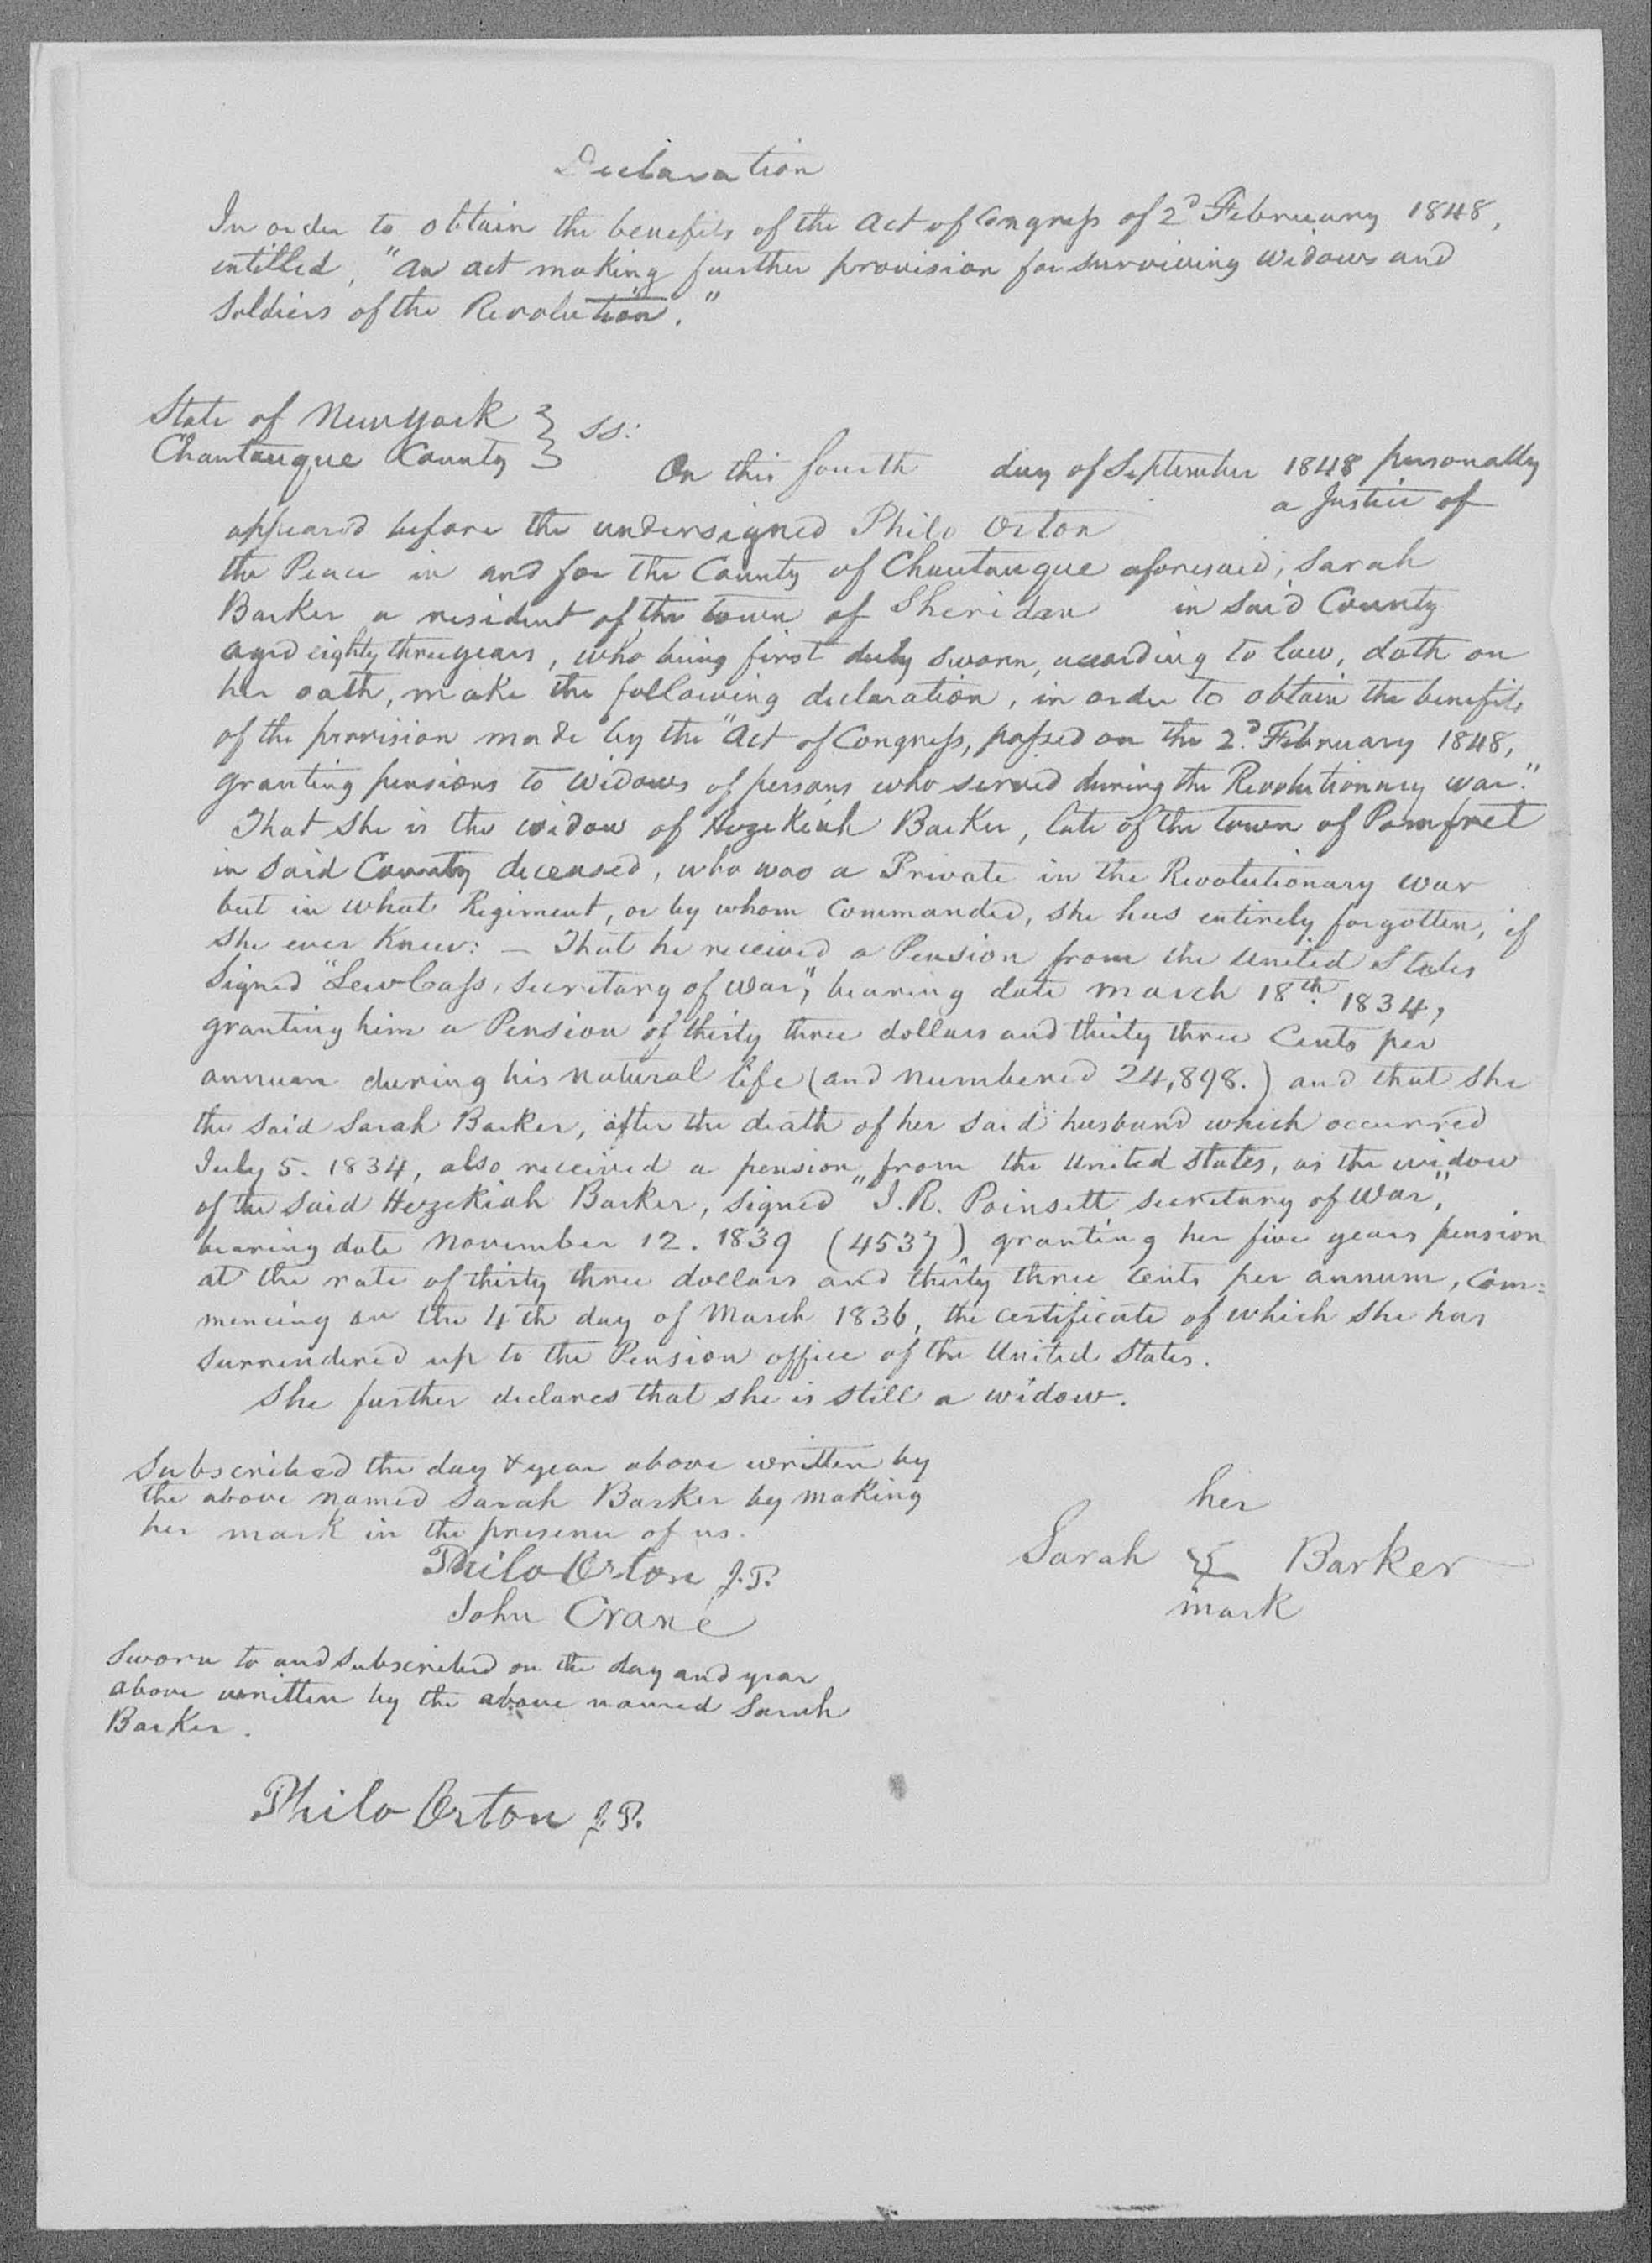Declaration to obtain the benefits of the Act of Congress of 2d February 1848, entitled "an act making further provision for surviving widows and soldiers of the Revolution." State of New York Chautauqua County Ss: On this fourth day of September 1848 personally appeared before the undersigned Philo Orton a Justice of the Peace in and for the County of Chautauque aforesaid Sarah Barker a resident of the town of Sheridan in said County aged eighty three years, who being first duly sworn, according to law, doth on her oath, make the following declaration, in order to obtain the benefits of the provision made by the "Act of Congress, passed on the 2d February 1848, granting pensions to widows of persons who served during the Revolutionary war." That she is the widow of Hezekiah Barker, late of the town of Pomfret in said County deceased, who was a Private in the Revolutionary War but in what Regiment, or by whom Commanded, she has entirely forgotten, if she ever knew: That he received a Pension from the United States Signed "Lew Cass, Secretary of War," bearing date March 18th 1834, granting him a Pension of thirty three dollars and thirty three cents per annum during his natural life (and numbered 24,898.) and that she the said Sarah Barker, after the death of her said husband which occurred July 5, 1834, also received a pension from the United States, as the widow of the said Hezekiah Barker, signed "J. R. Poinsett Secretary of War," bearing date November 12. 1839 (4537) granting her five years pension at the rate of thirty three dollars and thirty three cents per annum, commencing on the 4th day of March 1836, the certificate of which she has surrendered up to the Pension office of the United States. She further declares that she is still a widow. her mark X Sarah Barker Subscribed the day & year above written by the above named Sarah Barker by making her mark in the presence of us Philo Orton J.P. John Crane Sworn to and subscribed on the day and year above written by the above named Sarah Barker Philo Orton J. P.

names: Sarah Barker, Sarah Barker, Sarah Barker, Sarah Barker, Hezekiah Barker, Philo Orton, Hezekiah Barker, Philo Orton, John Crane, Philo Orton, Sarah Barker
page: 48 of 52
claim: widow's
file: W. 18,565, Hezekiah Barker, Continental R.I.